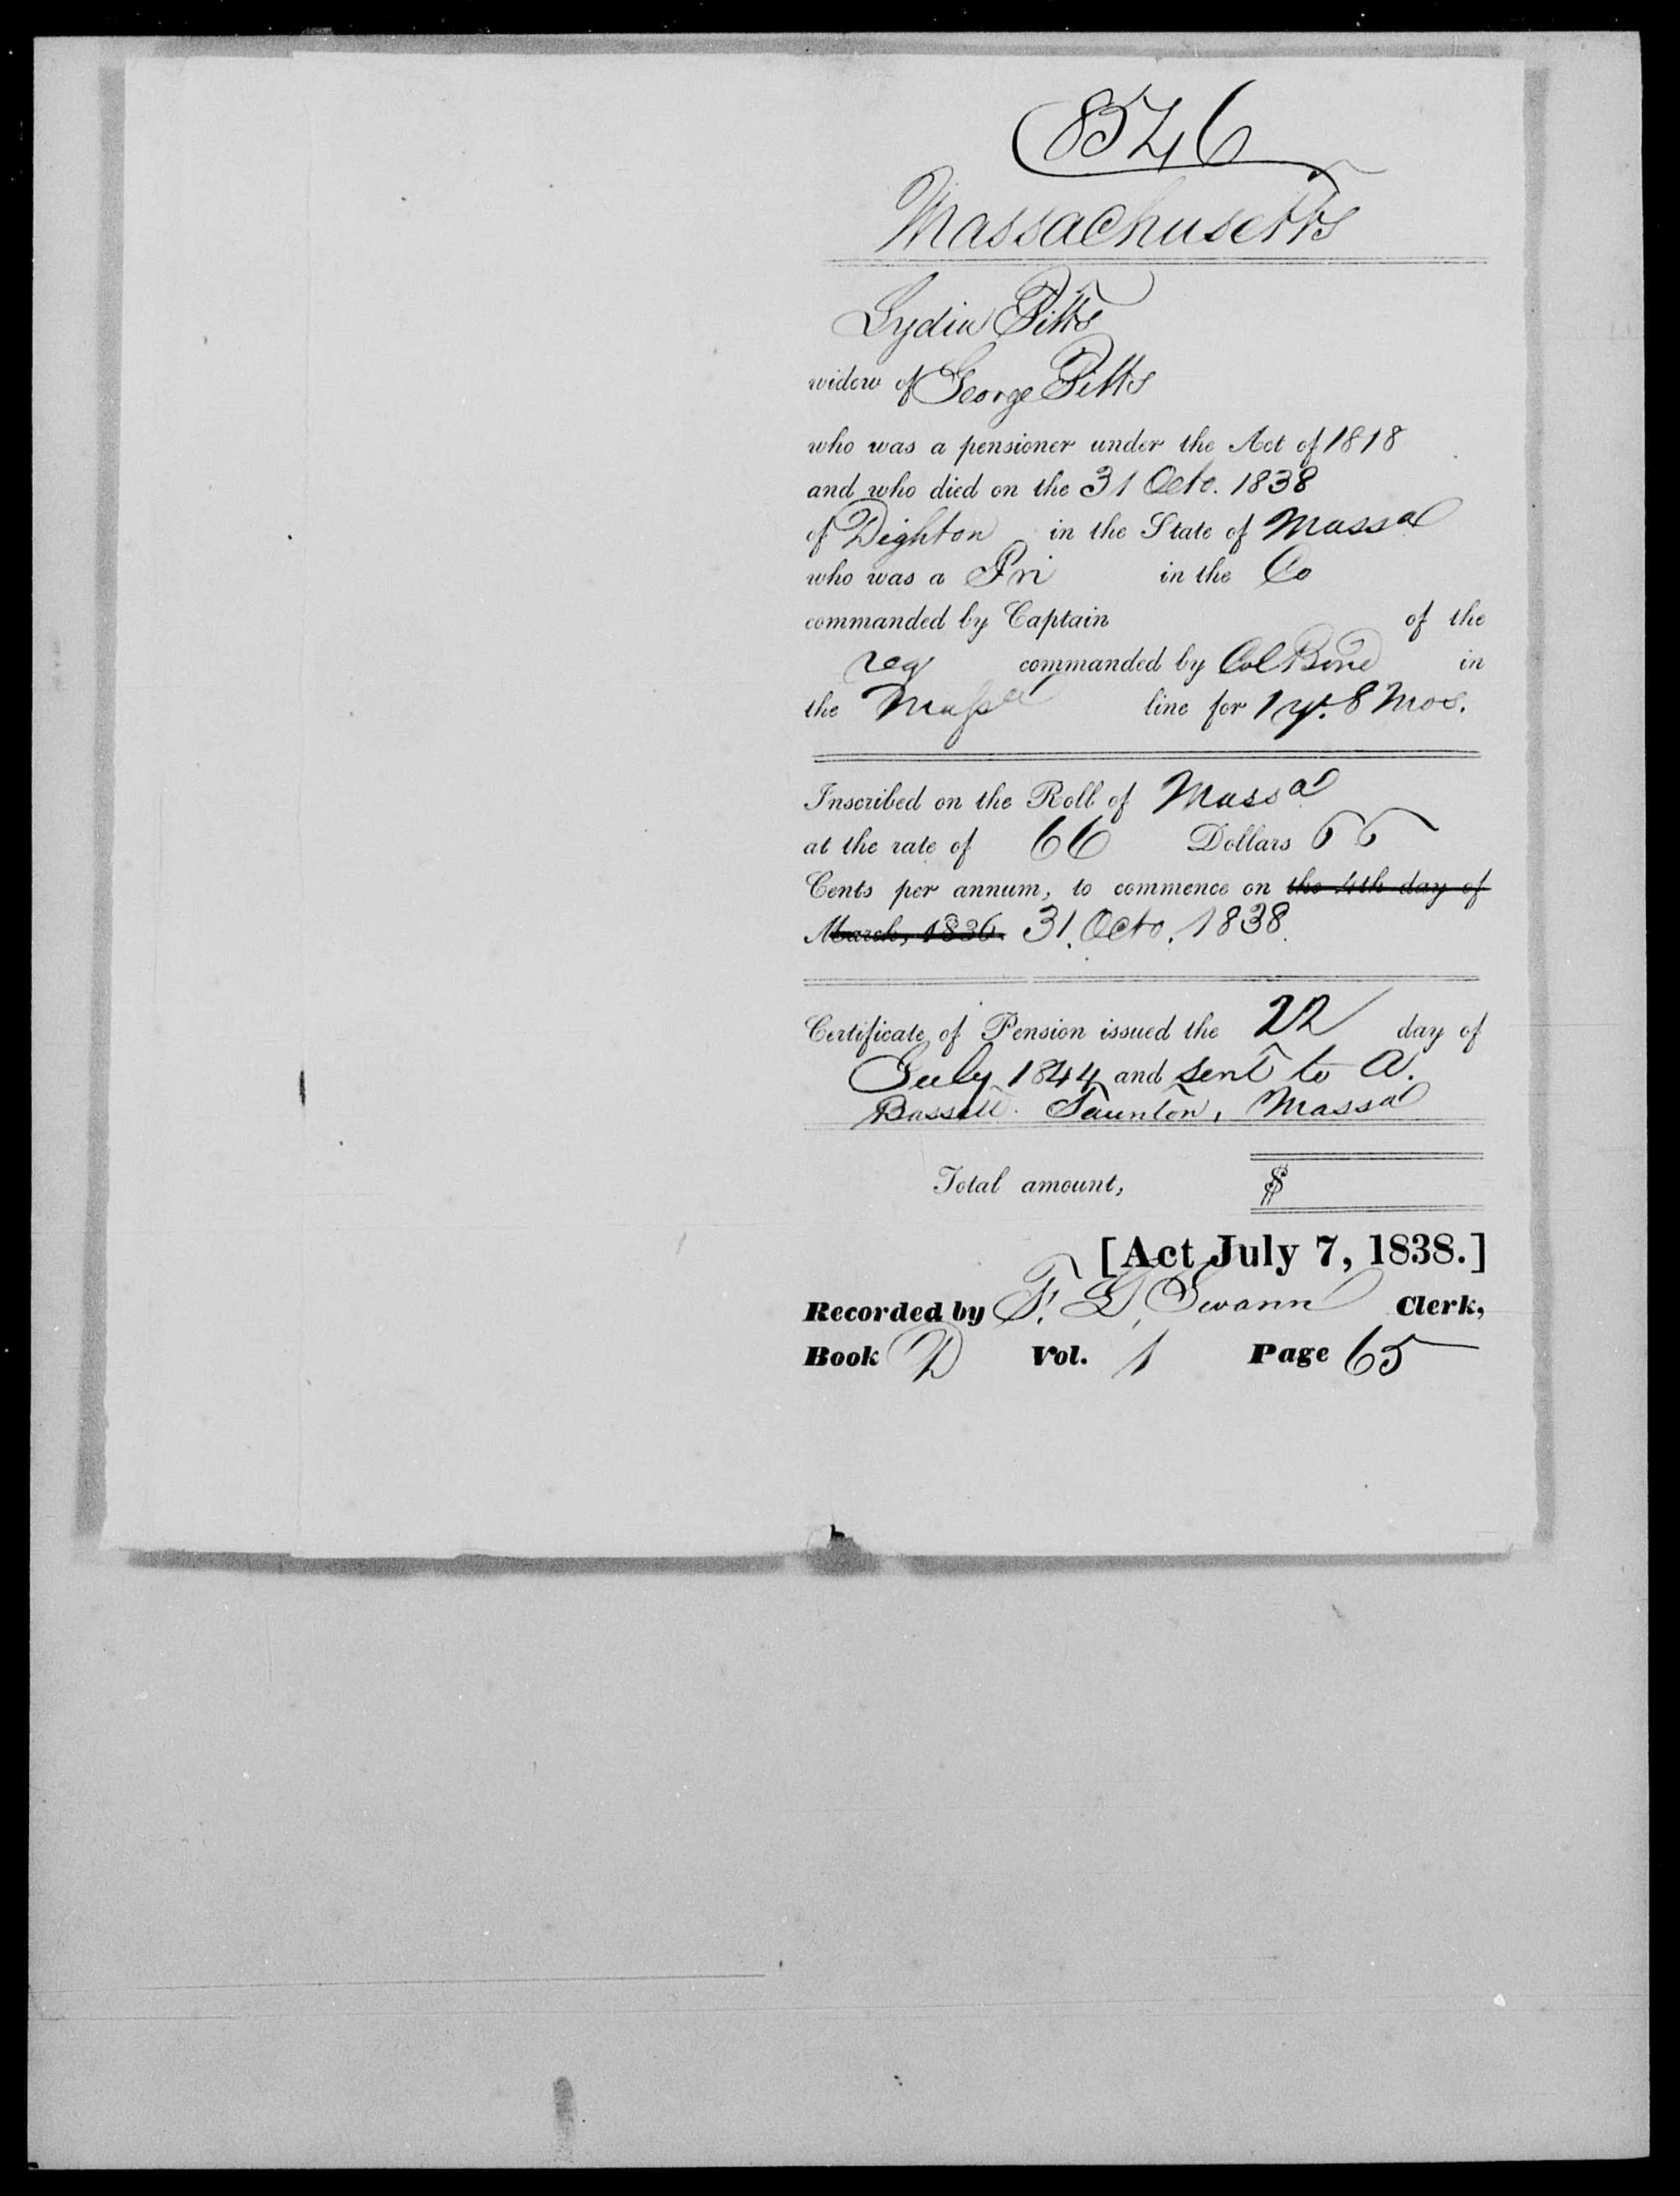8546
Massachusetts
Lydia Pitts
widow of George Petts
who was a pensioner under the Act of 1818
and who died on the 31 Oct. 1838
of Dighton
in the State of Mass.
who was a Pri in the Co
commanded by Captain [blank] of the 
Reg he was commanded by Col Bind in
the Mass. line for 1 yr. 8 mos.
--
Inscribed on the Roll of Mass.
at the rate of 66 Dollars 66
Cents per annum, to commence on 
31 Oct. 1838
Certificate of Pension issued the 22 day of
July 1844 and sent to A.
Bassett Taunton, Mass
Total amount, $ [blank]
Act July 7, 1838.
Recorded by F. L.  Swann Clerk,
Book D Vol. 1 Page 65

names: [BLANK] Bond; Lydia Pitts; F L Swann; George Pitts; A Bassett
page: 24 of 54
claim: widow's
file: W. 26,897, for George Pitts, Massachusetts